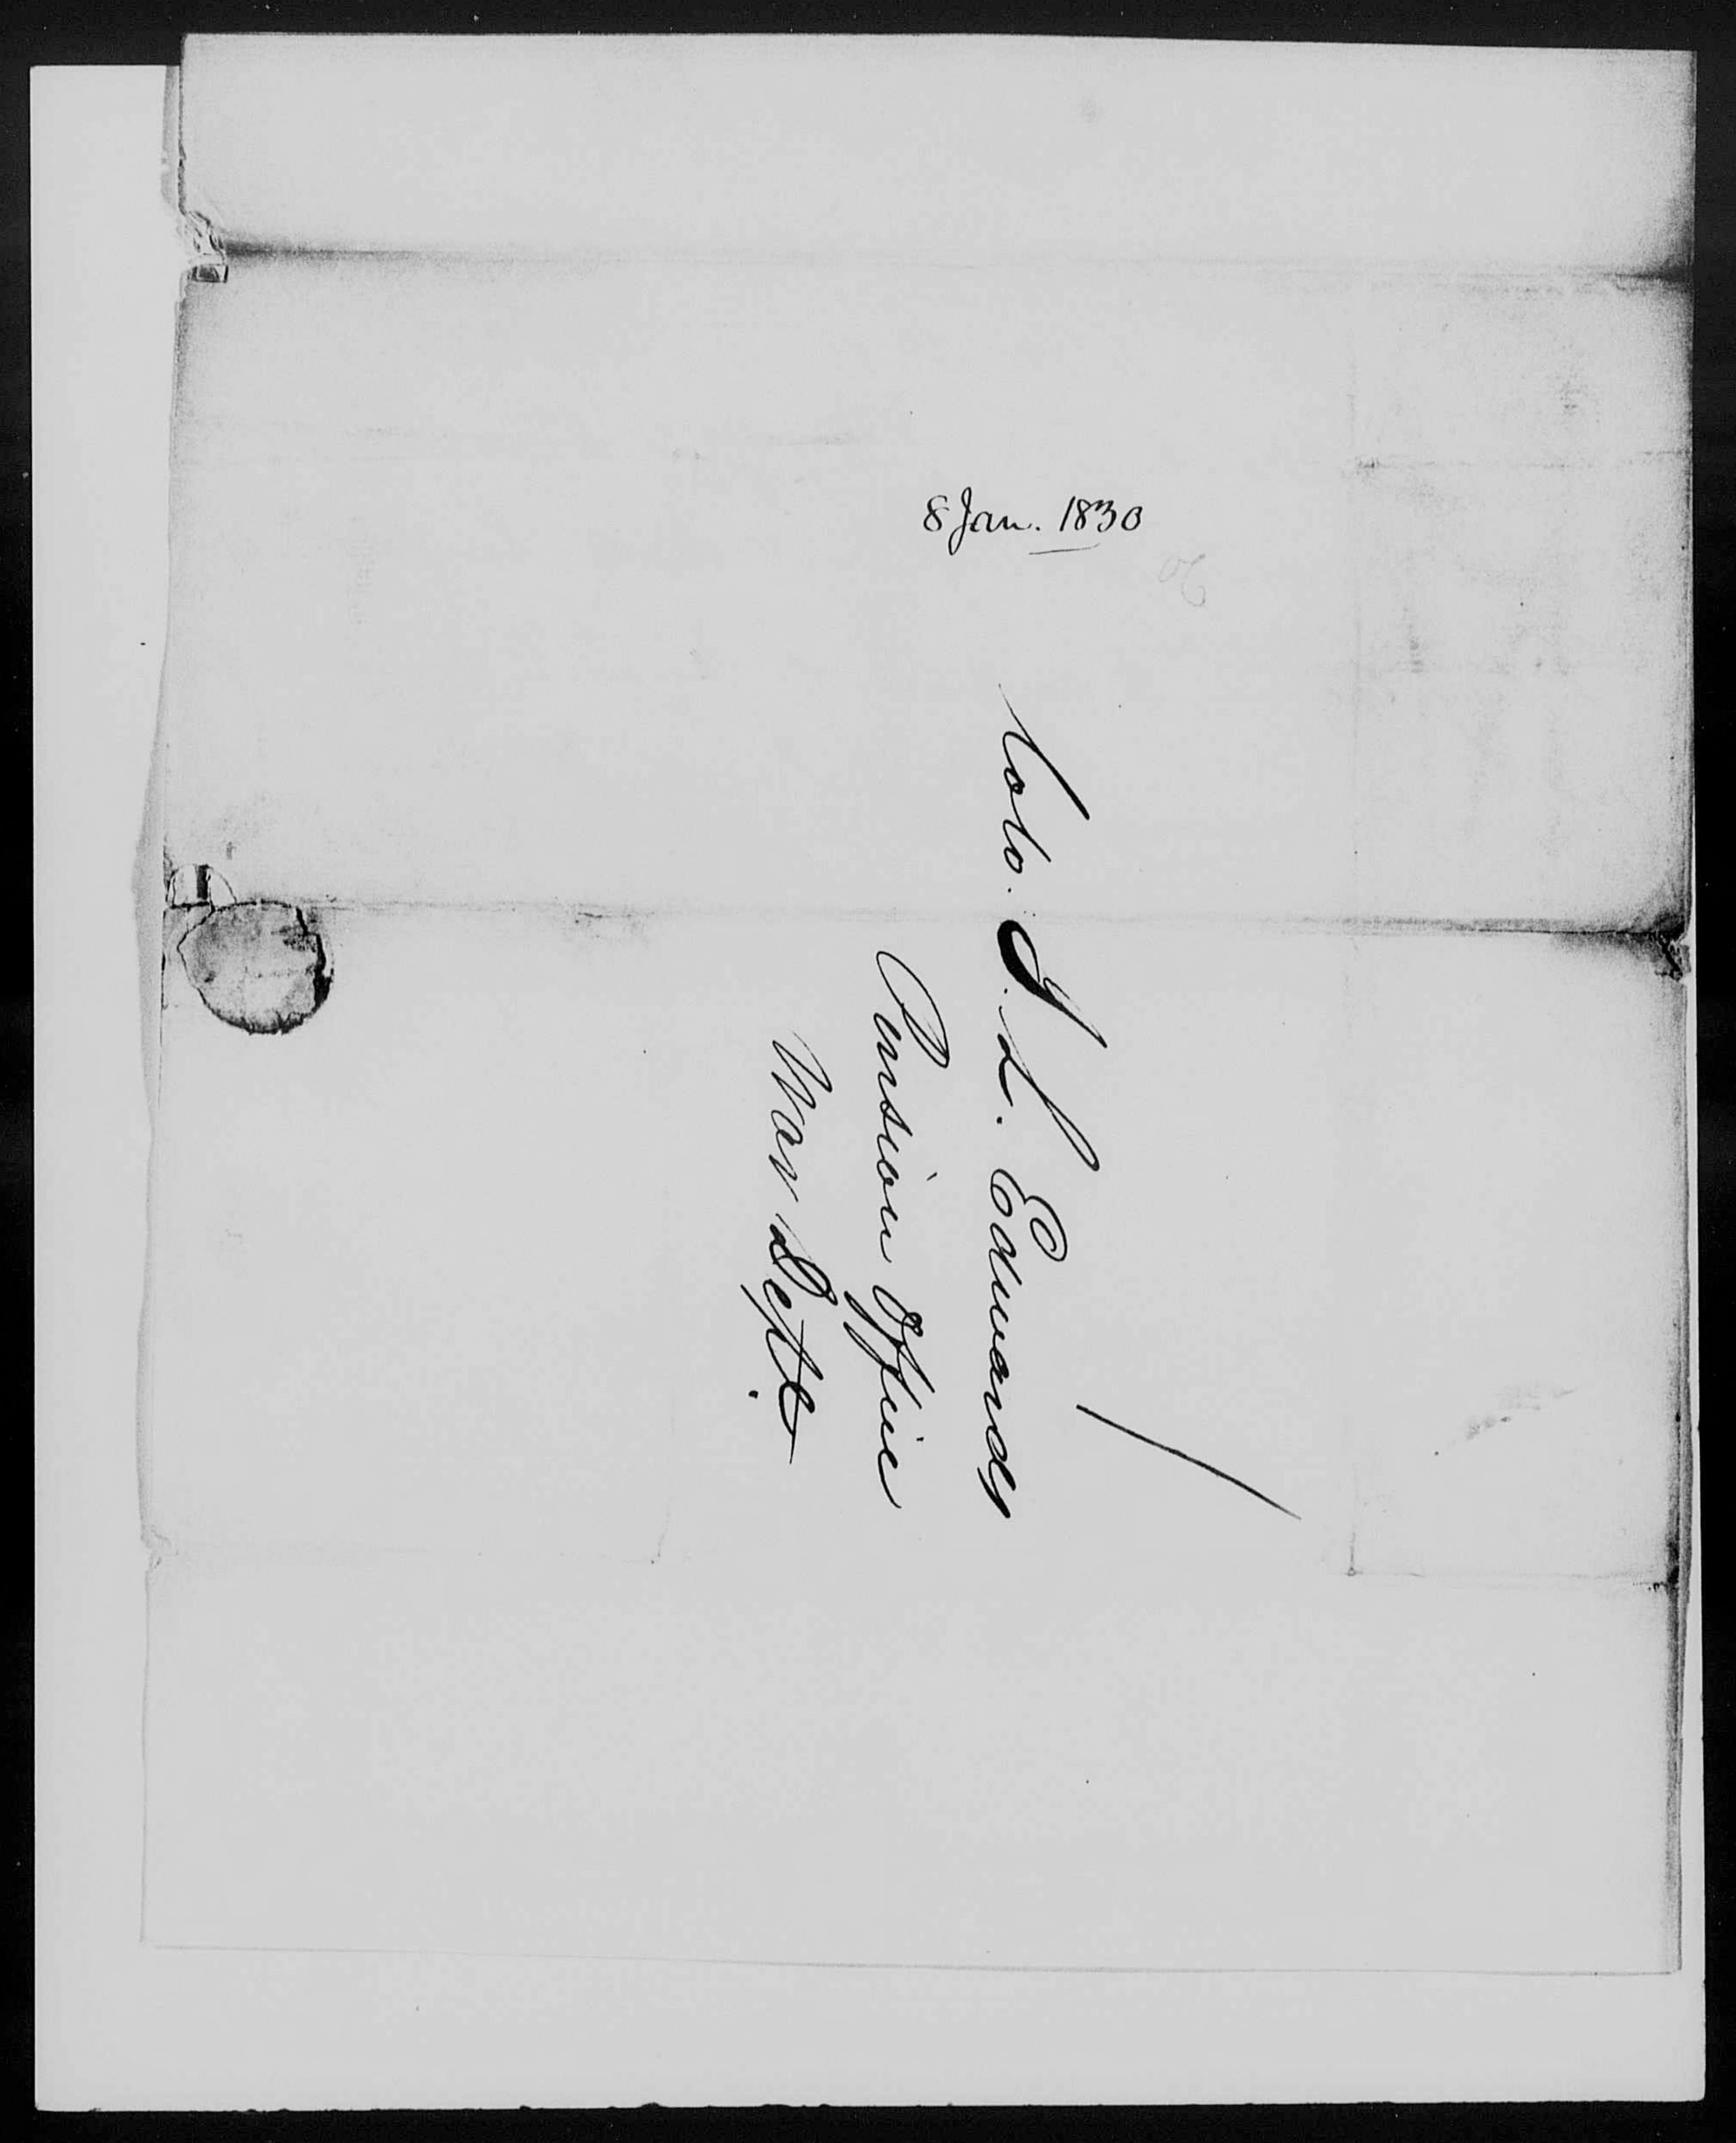8 Jan. 1830

[rotate page]
Colo J. L. Edwards
Pension Office
War Dept.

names: J L Edwards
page: 90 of 100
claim: survivor's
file: S 19186, James Austin, Conn. New York R.I.